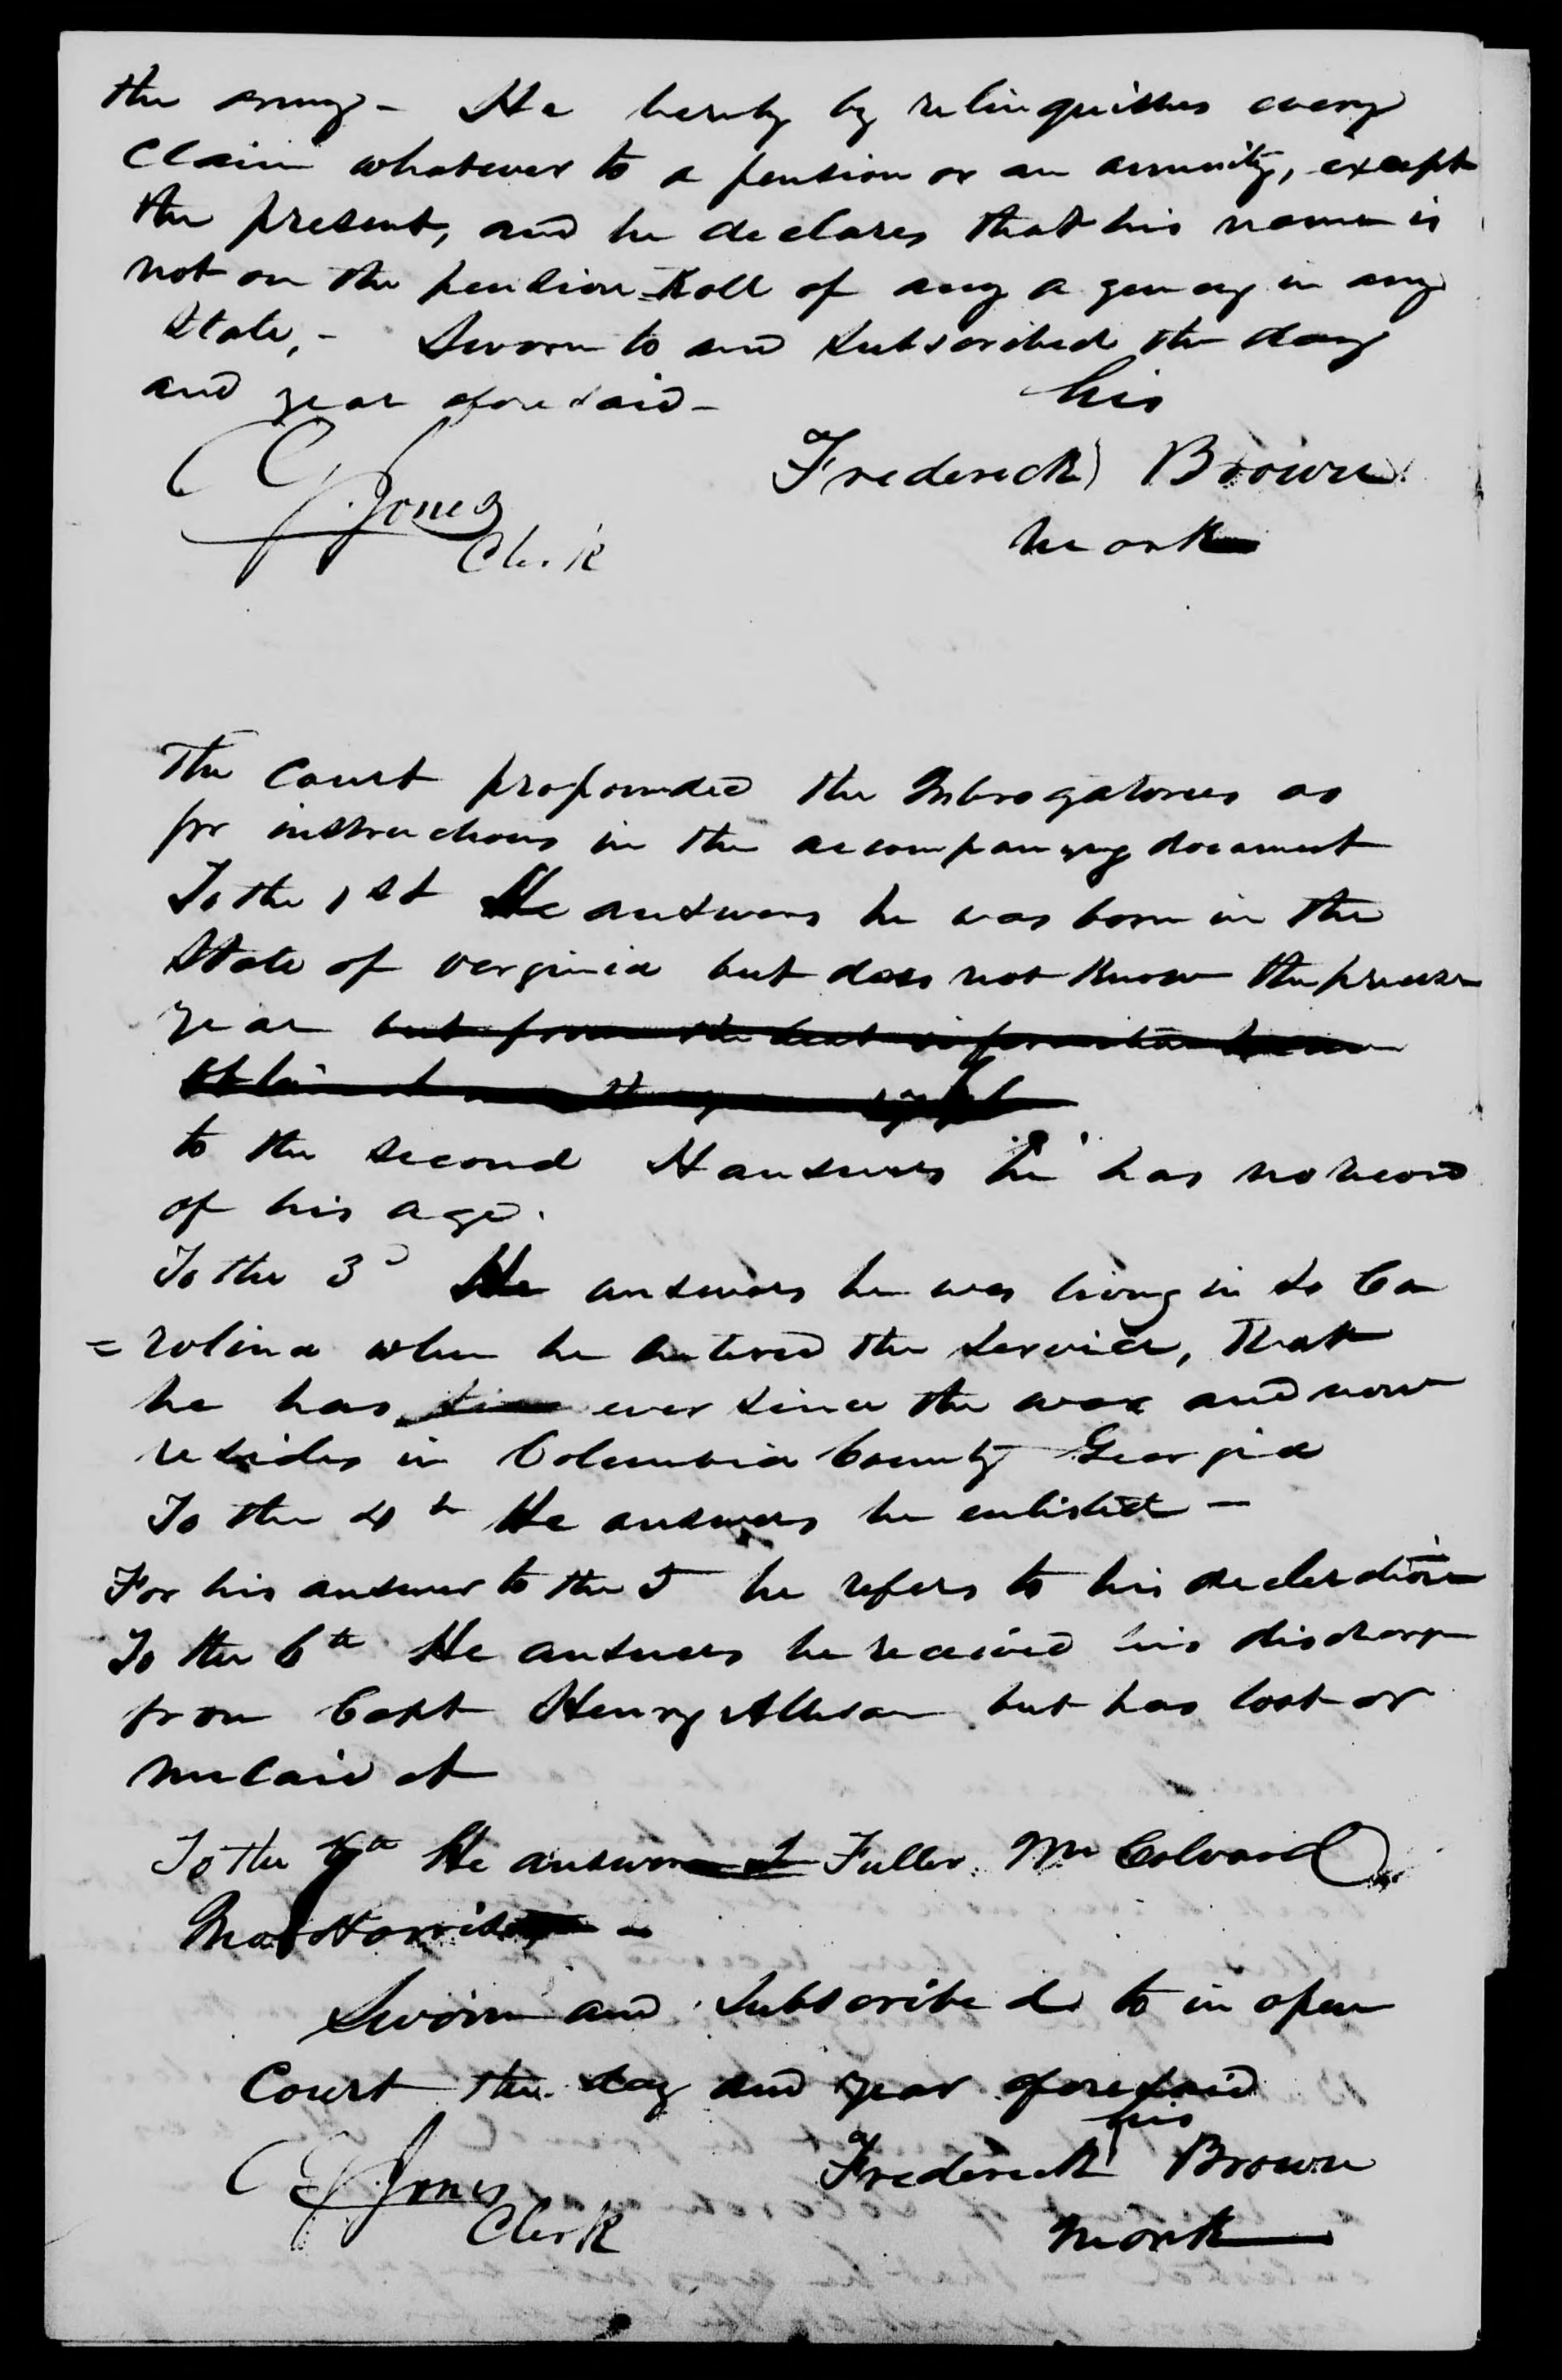the army. He hereby by relinquishes every claim whatever to a pension or an annuity, except the present, and he declares that his name is not on the pension roll of {illegible} a {illegible} in {illegible} State. Sworn to and subscribed this day and year aforesaid -
G. Jones Clerk Frederick Brown {illegible}
The Court {illegible} the interrogations as per instructions in the accompanying document To the 1st He answers he was born in the State of Virginia but does not know the precise year
To the second He answers he has no record of his age.
To the 3rd He answers he was living in So Ga when he enters the service, that he has ever since the war and now resides in Columbia County Georgia
To the 4th He answers he enlisted
For his answer to the 5 he refers to declaration
To the 6th He answers he received his discharge from Capt Henry {illegible} but has lost or mislaid it
To the 7th He answers {illegible} Fuller {illegible} {illegible}Harris
Sworn to and subscribed to in open court this day and year aforesaid
G. Jones Clerk  Frederick Brown {illegible}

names: Frederick Brown, Wm Colvard, Fuller, Jno Harriss, G Jones, G Jones, Frederick Brown, Henry Allison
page: 5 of 11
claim: survivor's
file: S. 31,576, Frederick Brown, Ga.